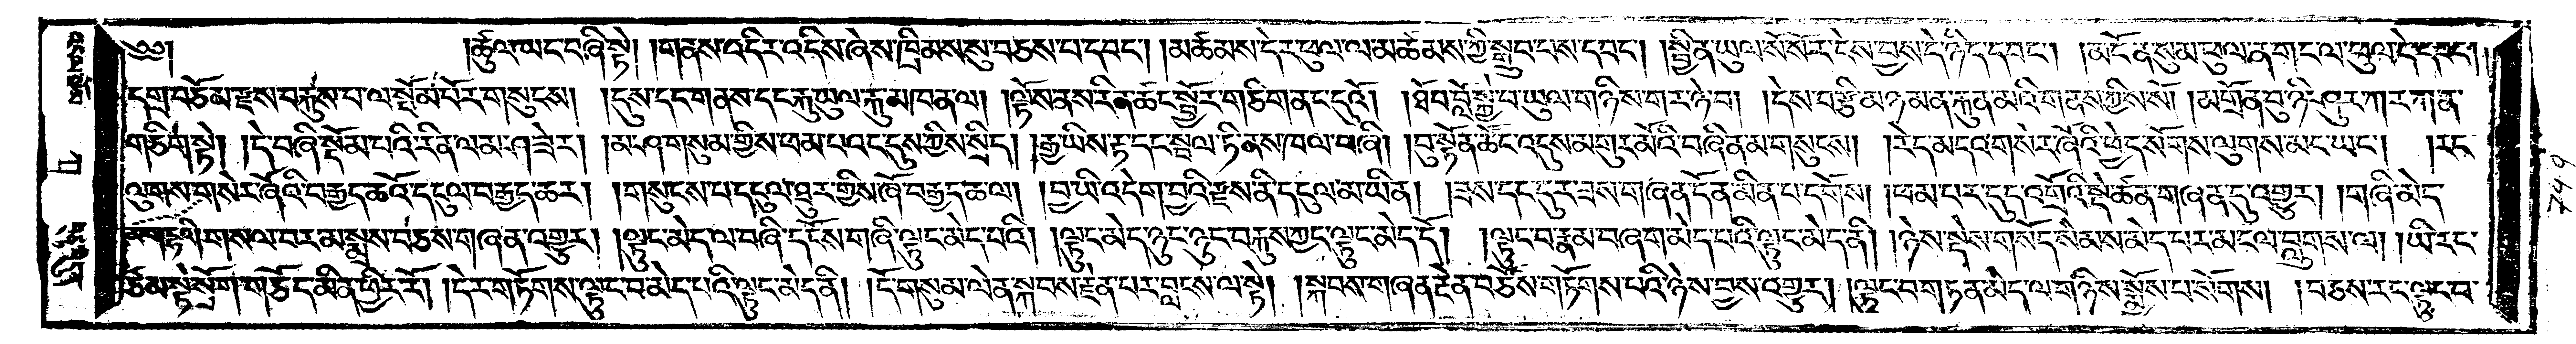༄༅། །ཚུལ་ཡང་བཞི་སྟེ། །གནས་འདིར་འདིས་ཞེས་ཁྲིམས་སུ་བཅས་པ་དབང་། །མཚམས་དེར་ཕུལ་ལ་མཚམས་ཀྱི་སྒྲུབ་པས་དབང་། །སྦྱིན་ཡུལ་སོ་སོར་ངེས་བྱས་དེ་ཉིད་དབང་། །མངོན་སུམ་ཕུལ་ན་གང་ལ་ཕུལ་དེ་དབང།།
དགྲ་བཅོམ་རྫས་བརྐུས་པ་ལ་སྦོམ་པོར་གསུངས། །དུས་དང་གནས་དང་རྐུ་ཡུལ་རྐུ་མཁན་ལ། །ལྟོས་ནས་རིན་ཚར་སྦྱོར་གཅིག་ནར་དུའོ། །ཐོབ་བློ་སྐྱེ་བ་ཡུལ་གཉིས་གར་ཉེ་བ། །དེས་བརྩི་མཉམ་ན་རྐུན་མའི་གནས་ཀྱིས་སོ། །མགྲོན་བུ་ཉི་ཤུར་ཀར་ཀ་ན་
གཅིག་སྟེ། །དེ་བཞི་སྡོམ་པའི་རིན་ལམ་ཤ་ཟེར། །མ་ཤ་གསུམ་གྱིས་ཕམ་པའང་དུས་ཀྱིས་སྲིད། །རྒྱ་ཡིས་རྟ་དང་སྦལ་ཏི་ནས་ཁལ་བཞི། །བུ་སྟོན་ཚོང་འདུས་མགུར་མོའི་བཞིན་མ་གསུངས། །རེད་མདའ་གསེར་ཞོའི་ཕྱེད་སོགས་ལུགས་མང་ཡང་། །རང་
ལུགས་གསེར་མ་ཞོའི་བརྒྱད་ཆའོ་དངུལ་བརྒྱད་ཆར། །གསུངས་པ་དངུལ་ཐུར་གྱིས་ཞོ་བརྒྱད་ཆ་ལ། །བྱ་ཡི་འདེག་བྱའི་རྫས་ནི་དངུལ་མ་ཡིན། །ཟས་དང་དུར་ཟས་གཞན་དོན་མིན་པ་དགོས། །ཕམ་པར་དུད་འགྲོའི་སྡེ་ཚན་གཞན་དུ་འགྱུར། །གཞི་མེད་
གསལ་བར་མ་སྨྲས་བཅས་གཞན་འགྱུར། །ལྟུང་མེད་ལ་བཞི་དངོས་གཞི་ལྟུང་མེད་པའི། །ལྟུང་མེད་ཉུང་ཉུང་བརྐུས་ཀྱང་ལྟུང་མེད་དོ། །ལྟུང་བ་རྣམ་བཞག་མེད་པའི་ལྟུང་མེད་ནི། །ཉེས་སྡེས་གསོད་སེམས་མེད་པར་མངལ་བླུགས་ལ། །ཡི་རང་
ཙམ་སྟེ་སྲོག་གཅོད་མིན་ཕྱིར་རོ། །དེར་གཏོགས་ལྟུང་བ་མེད་པའི་ལྟུང་མེད་ནི། །དོ་གསུམ་ལེན་སྐབས་རྗེན་པར་བླངས་ལ་སྟེ། །སྐབས་གཞན་རྔེན་བཅོས་གཏོགས་པའི་ཉེས་བྱས་འགྱུར། །ལྟུང་བ་གཏན་མེད་ལ་གཉིས་སྨྱོས་པ་སོགས། །བཅས་རང་ལྟུང་བ་